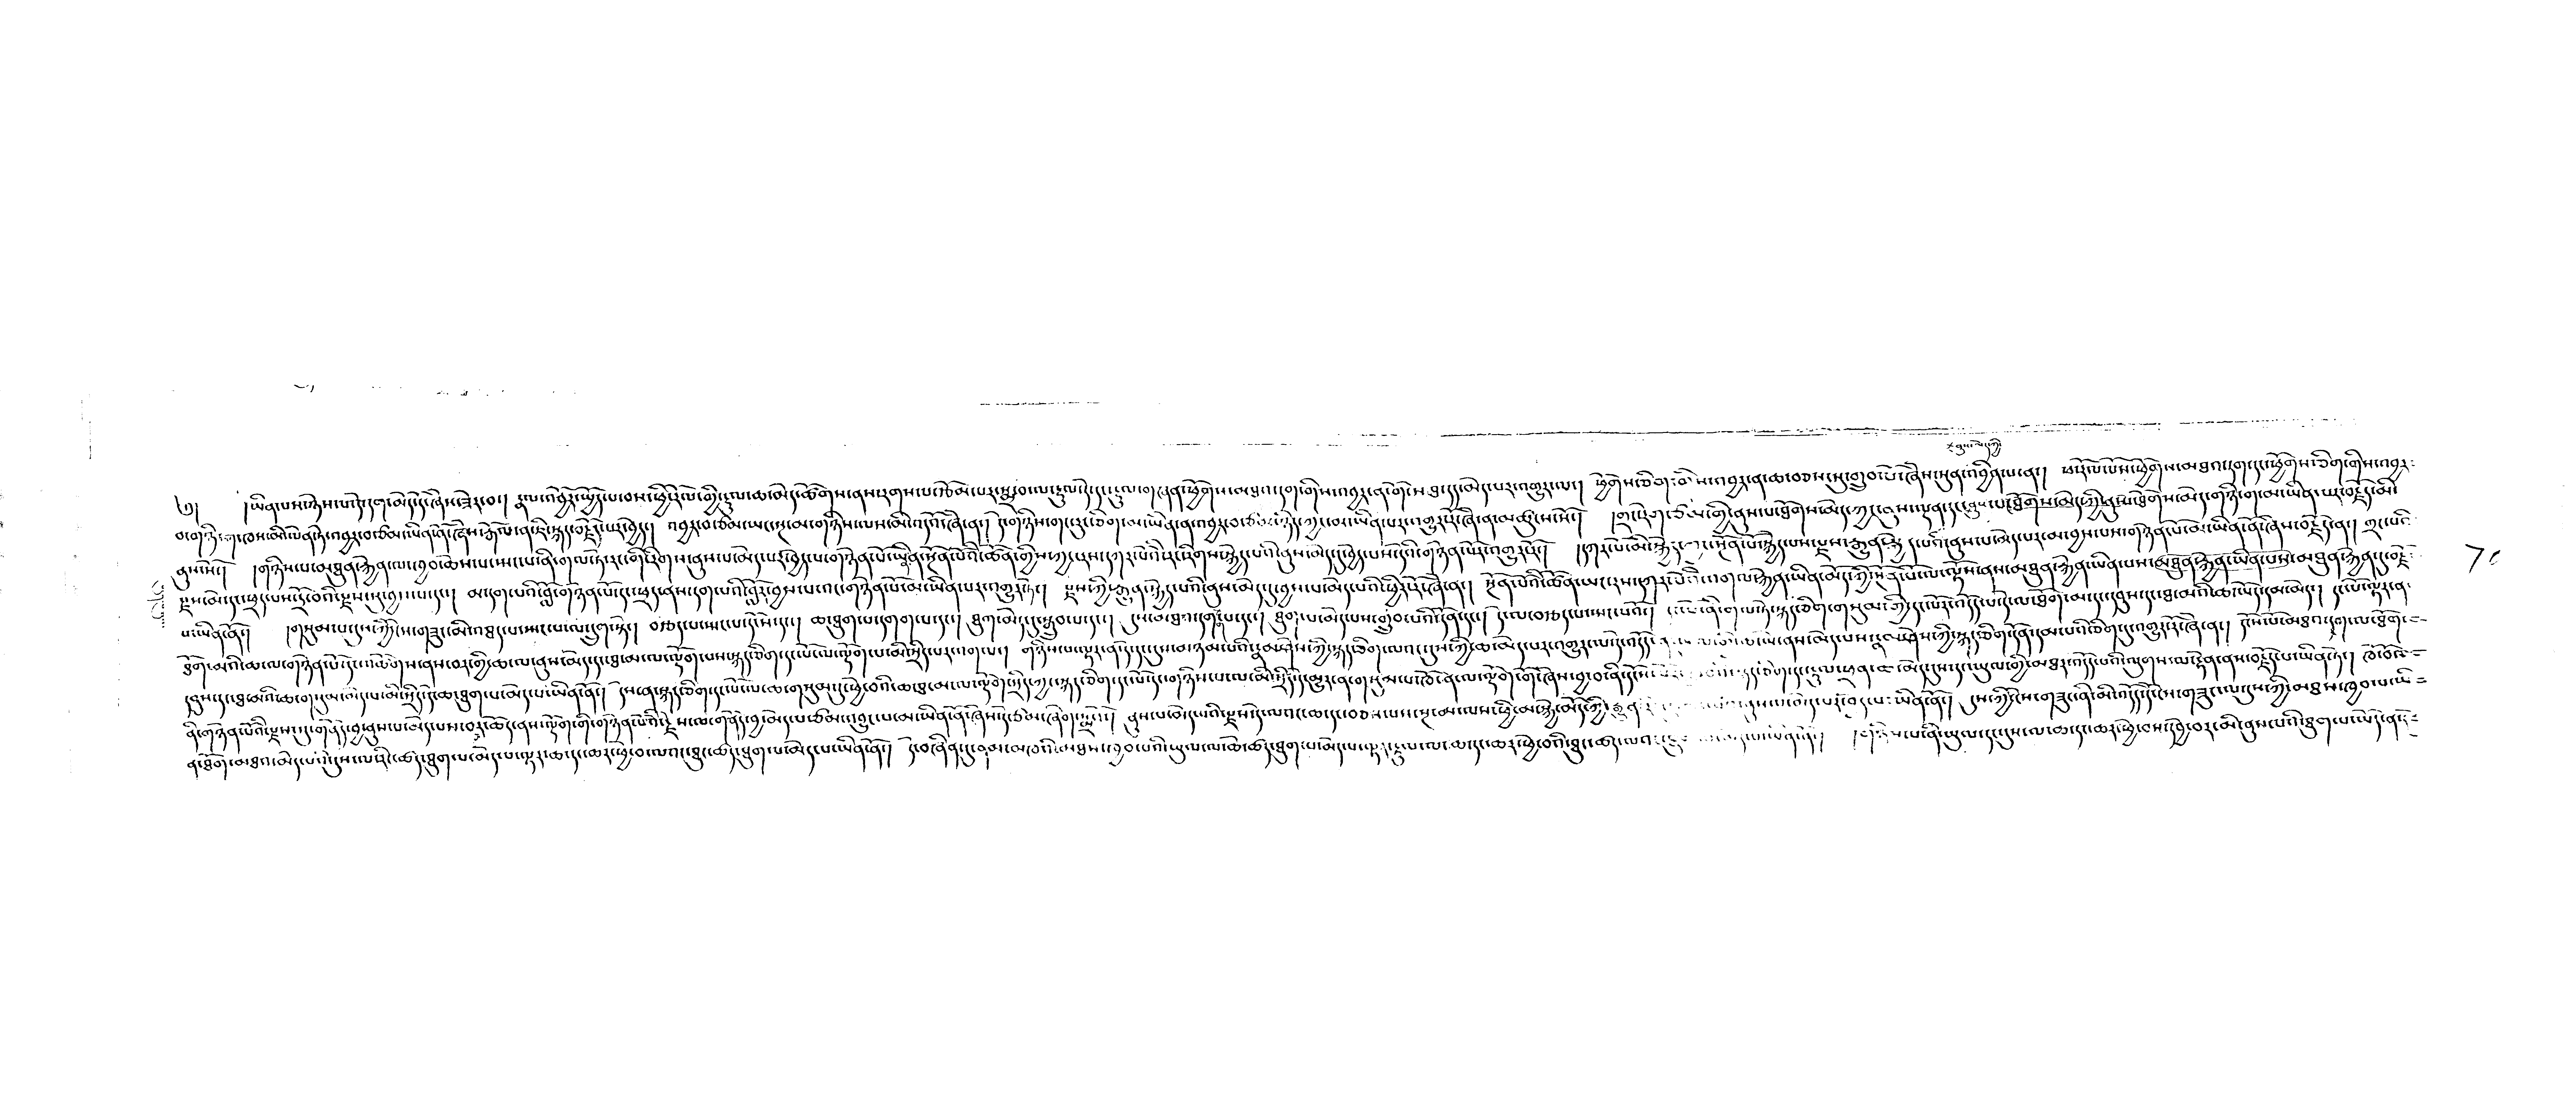༈། །ཡིན་པས་ཉེས་པ་དེ་དག་མེད་དོ་ཞེས་ཟེར་བ། རྣལ་འབྱོར་སྤྱོད་པ་བས་ཕྱི་རོལ་གྱི་རྡུལ་ཆ་མེད་ཚོགས་ནས་རགས་པ་རྩོམ་པར་སྨྲ་བ་ལ་རྡུལ་དེ་དང་རྡུལ་གཞན་ཕྱོགས་མཐའ་དག་གིས་འབྱར་ན་གོ་ས་ཐ་དད་མེད་པར་འགྱུར་ལ། ཕྱོགས་ཅིག་གིས་འབྱར་ན་ཆ་བཅས་སུ་གྲུབ་པོ་ཞེས་སུན་འབྱིན་པ་ན། ཕ་རོལ་པོས་ཕྱོགས་མཐའ་དག་དང་ཕྱོགས་ཅིག་གིས་འབྱར་
བ་གཉི་ག་ཁས་བའི་ལེན་ཏེ་འབྱར་བ་ཙམ་ཡིན་ནོ་ཞེས་རྒོལ་ན་ཇི་སྐད་བརྗོད་པར་བྱེད། འབྱར་བ་ཙམ་ཡང་སྔ་མ་གཉིས་ལས་མི་འདའོ་ཞེ་ན། དེ་གཉིས་གང་རུང་ཅིག་མ་ཡིན་ན་འབྱར་བ་ཙམ་ཉིད་ཀྱང་མ་ཡིན་པར་འགྱུར་རོ་ཞེ་ན་མཚུངས་སོ། །གྲང་རེག་ཙམ་གྱི་ནུས་པ་ཐོགས་མེད་ཀྱང་ནུས་ལྡན་དང་ནུས་མེད་ཀྱི་ནུས་པ་ཐོགས་མེད་གཉི་ག་མ་ཡིན་པར་བརྗོད་མི་
ནུས་སོ། །གཉིས་པ་མཐུན་རྐྱེན་ལ་ཁྱབ་ཆེས་པ་སྤང་པ་ནི་གལ་ཏེ་རང་གི་རིགས་ནུས་པ་མེད་པར་བྱེད་པ་གཉེན་པོ་ཡིན་ན་སྔོན་པོའི་ཚོན་གྱིས་ཀྱང་རས་དཀར་པོའི་རང་རིགས་སྐྱེད་པའི་ནུས་མེད་དུ་བྱེད་པས་དེའི་གཉེན་པོར་འགྱུར་རོ། །དཀར་པོ་མི་སྐྱེད་ཀྱང་སྔོན་པོ་སྐྱེད་པས་རྫས་རྒྱུན་སྐྱེད་པའི་ནུས་པ་མེད་པར་མ་བྱས་པས་གཉེན་པོ་མ་ཡིན་ནོ་ཞེས་བརྗོད་ན། གྲང་པའི་
རྫས་མེ་དང་ཕྲད་པས་དྲོ་བའི་རྫས་སུ་བྱས་པ་དང་། མ་དག་པའི་བློ་གཉེན་པོ་དང་ཕྲད་ནས་དག་པའི་བློར་བྱས་པ་འང་གཉེན་པོ་མ་ཡིན་པར་འགྱུར་ཏེ། རྫས་ཀྱི་རྒྱུན་སྐྱེད་པའི་ནུས་མེད་དུ་བྱས་པ་མེད་པའི་ཕྱིར་རོ་ཞེ་ན། སྔོན་པོའི་ཚོན་ཡང་རས་དཀར་པོའི་འགལ་རྐྱེན་ཡིན་མོད་ཀྱི་སྔོན་པོ་ལ་ལྟོས་ནས་མཐུན་རྐྱེན་ཡིན་པས་མཐུན་རྐྱེན་དུ་བརྗོད་
པ་ཡིན་ནོ། །གསུམ་པ་དུས་ཀྱི་ངེས་གཟུང་མི་འཐད་པ་སྤང་པ་ལ་དྲུག་སྟེ། བརྩད་པ་སྤང་པ་དངོས་དང་། ཆ་ཐུག་པ་དགག་པ་དང་། ཐུག་མེད་དུ་སྒྲུབ་པ་དང་། དུས་མཐའ་དགག་པ་དང་། ཐུག་པ་མེད་པས་གྲུབ་པའི་དོན་དང་། དེ་ལ་བརྩད་པ་སྤང་པའོ། དང་པོ་ནི་གལ་ཏེ་སྐད་ཅིག་གསུམ་གྱི་དང་པོར་འདོད་པ་དེ་ལ་ཐོག་མ་དང་དབུས་དང་ཐ་མའི་ཆ་ཡོད་དམ་མེད། དང་པོ་ལྟར་ན་
ཐོག་མའི་ཆ་ལ་གཉེན་པོ་དང་འཚོགས་ནས་བར་གྱི་ཆ་ལ་ནུས་མེད་དང་ཐ་མ་ལ་ལྡོག་པས་སྐད་ཅིག་དང་པོ་ལ་ལྡོག་པ་མི་སྲིད་པར་འགལ། གཉིས་པ་ལྟར་ན་དེ་དང་དུས་མཉམ་པའི་རྣམ་ཤེས་ཀྱི་སྐད་ཅིག་ལའང་དུས་ཀྱི་ཆ་མེད་པར་འགྱུར་པ་དེ་འདོད་ན་?་གྱི་ཆ་ཡེ?་ནས་མེད་པས་རྣམ་ཤེས་ཀྱི་སྐད་ཅིག་དོན་དམ་པའི་ཅིག་དུ་འགྱུར་རོ་ཞེ་ན། དངོས་པོ་མཐའ་དག་ལ་ཐོག་བ?
དབུས་དང་ཐ་མའི་ཆ་གསུམ་མེད་པ་མི་སྲིད་དེ་ཆ་ཐུག་པ་མེད་པ་ཡིན་ནོ། དེས་ན་སྐད་ཅིག་དང་པོ་ལ་ཆ་གསུམ་དུ་ཕྱེ་བའི་ཆ་ཐ་མ་ལ་ལྡོག་སྲིད་ཀྱང་སྐད་ཅིག་དང་པོ་དང་གཉིས་པ་ལ་མི་སྲིད་དེ་མྱུར་ན་གསུམ་པ་ཁོ་ན་ལ་ལྡོག་གོ་ཞེས་བྱ་བ་ནི་དངོས་པོར་??་སྐད་ཅིག་དང་རྡུལ་ཕྲན་ཆ་མེད་དུས་དང་ཡུལ་གྱི་མཐར་འདོད་པའི་ལུགས་མ་རྟེན་ནས་བརྗོད་པ་ཡིན་ཏེ། ཁོ་བོའི་?
ནི་གཉེན་པོའི་རྫས་སུ་གནོད་བྱ་ནུས་པ་མེད་པས་བར་ཆོད་ནས་ལྡོག་གི་གཉེན་པོའི་རྗེས་ལ་གནོད་བྱ་མེད་པ་ཙམ་འབྱུང་པ་མ་ཡིན་ནོ་ཞེས་དེ་ཙམ་ཞིག་སྨྲའོ། ནུས་པ་མེད་པའི་རྫས་དེ་ལའང་ཆ་དང་བཅས་པས་སྔ་མ་ལས་ཕྱི་མ་སྐྱེ་མོད་ཀྱི་རྒྱུན་??་ནུས་པ་མེད་པར་བྱེད་པ་ཡིན་ནོ། དུས་ཀྱི་ངེས་གཟུང་ནི་མི་འདོད་དེ་ངེས་གཟུང་ལ་དུས་ཀྱི་མཐས་ཁྱབ་པ་ཡི?
ན་ཐོག་མཐའ་མེད་པའི་དུས་ལ་རིང་ཚད་ཐུག་པ་མེད་པ་ལྟར་ཆ་དང་ཆར་ཕྱེ་བ་ལའང་ཐུང་ཚད་ཐུག་པ་མེད་པ་ཡིན་ནོ། དེ་བཞིན་དུ་ནམ་མཁའི་མཐས་ཁྱབ་པའི་ཡུལ་ལ་ཆེ་ཚད་ཐུག་པ་མེད་པ་ལྟར་རྡུལ་ལ་ཆ་དང་ཆར་ཕྱེ་བའི་ཐུང་ཚད་ལའང་??་པ་ཡིན་ནོ། །གཉིས་པ་ནི་ཡུལ་དང་དུས་ལ་ཆ་དང་ཆར་ཕྱེ་བས་དབྱེ་བར་མི་ནུས་པའི་ཐུག་པ་ཡོད་ན་དབྱེ?